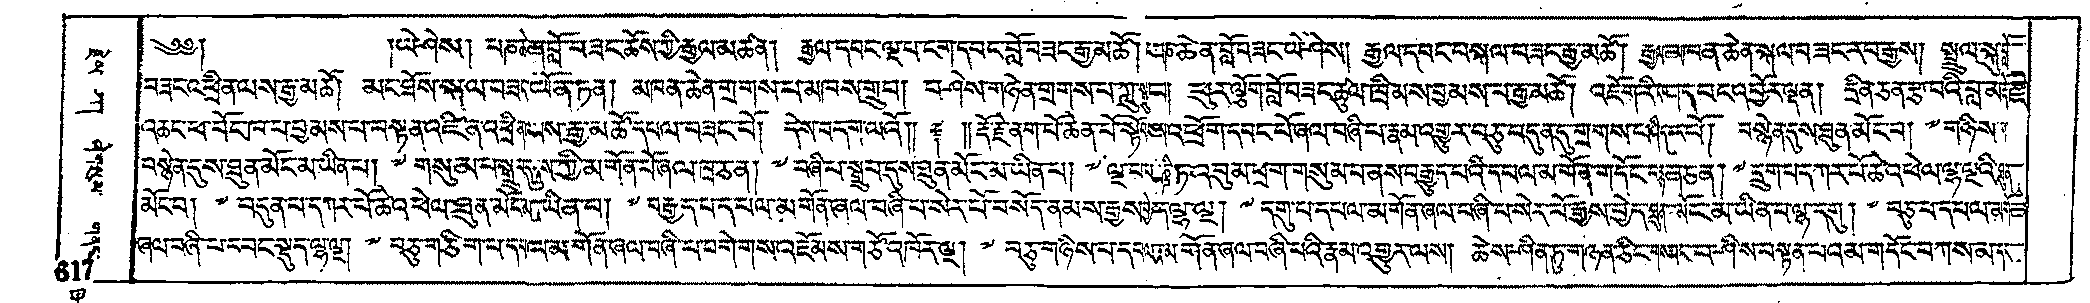༄༅། །ཡེ་ཤེས། པཎ་ཆེན་བློ་བཟང་ཆོས་ཀྱི་རྒྱལ་མཚན། རྒྱལ་དབང་ལྔ་པ་ངག་དབང་བློ་བཟང་རྒྱ་མཚོ། པཎ་ཆེན་བློ་བཟང་ཡེ་ཤེས། རྒྱལ་དབང་བསྐལ་བཟང་རྒྱ་མཚོ། རྒྱལ་མཁན་ཆེན་སྐལ་བཟང་རབ་རྒྱས། སྤྲུལ་སྐུ་བློ་
བཟང་འཕྲིན་ལས་རྒྱ་མཚོ། མང་ཐོས་སྐལ་བཟང་ཡོན་ཏན། མཁན་ཆེན་གྲགས་པ་མཁས་གྲུབ། བཤེས་གཉེན་གྲགས་པ་ཀླུ་སྒྲུབ། ཕུར་ལྕོག་བློ་བཟང་ཚུལ་ཁྲིམས་བྱམས་པ་རྒྱ་མཚོ། འཇོག་རི་ངག་དབང་འབྱོར་ལྡན། དྲིན་ཅན་རྩ་བའི་བླ་མ་རྡོ་རྗེ་
འཆང་ཕ་བོང་ཁ་པ་བྱམས་པ་བསྟན་འཛིན་འཕྲིན་ལས་རྒྱ་མཚོ་དཔལ་བཟང་པོ། དེས་བདག་ལའོ།། འ་།།རྡོ་རྗེ་ནག་པོ་ཆེན་པོ་སྟོབས་འཕྲོག་དབང་པོ་ཞལ་བཞི་པ་རྣམ་འགྱུར་བཅུ་བདུན་དུ་གྲགས་པའི་དང་པོ། བསྙེན་དུས་ཐུན་མོང་བ། ༧་གཉིས་པ་
བསྙེན་དུས་ཐུན་མོང་མ་ཡིན་པ། ༧་གསུམ་པ་སྒྲུབ་དུས་ཀྱི་མགོན་པོ་ཞལ་ཁྲ་ཅན། ༧་བཞི་པ་སྒྲུབ་དུས་ཐུན་མོང་མ་ཡིན་པ། ༧་ལྔ་པ་པཎྜི་ཏ་འབུམ་ཕྲག་གསུམ་པ་ནས་བརྒྱུད་པའི་དཔལ་མགོན་གདོང་བརྙན་ཅན། ༧་དྲུག་པ་དཀར་པོ་ཚེ་འཕེལ་ལྷ་ལྔའི་ཐུན་
མོང་བ། ༧་བདུན་པ་དཀར་པོ་ཚེ་འཕེལ་ཐུན་མོང་མ་ཡིན་པ། ༧་བརྒྱད་པ་དཔལ་མགོན་ཞལ་བཞི་པ་སེར་པོ་བསོད་ནམས་རྒྱས་བྱེད་ལྷ་ལྔ། ༧་དགུ་པ་དཔལ་མགོན་ཞལ་བཞི་པ་སེར་པོ་རྒྱས་བྱེད་ཐུན་མོང་མ་ཡིན་པ་ལྷ་དགུ། ༧་བཅུ་པ་དཔལ་མགོན་
ཞལ་བཞི་པ་དབང་སྡུད་ལྷ་ལྔ། ༧་བཅུ་གཅིག་པ་དཔལ་མངོན་ཞལ་བཞི་པ་བགེགས་འཇོམས་གཙོ་འཁོར་ལྔ། ༧་བཅུ་གཉིས་པ་དཔལ་མགོན་ཞལ་བཞི་པའི་རྣམ་འགྱུར་ལས། ཆེས་ཤིན་ཏུ་གཉན་ཅིང་གསང་བ་ཤི་ས་བསྟན་པའམ་གདོང་བཀས་མ་དང་